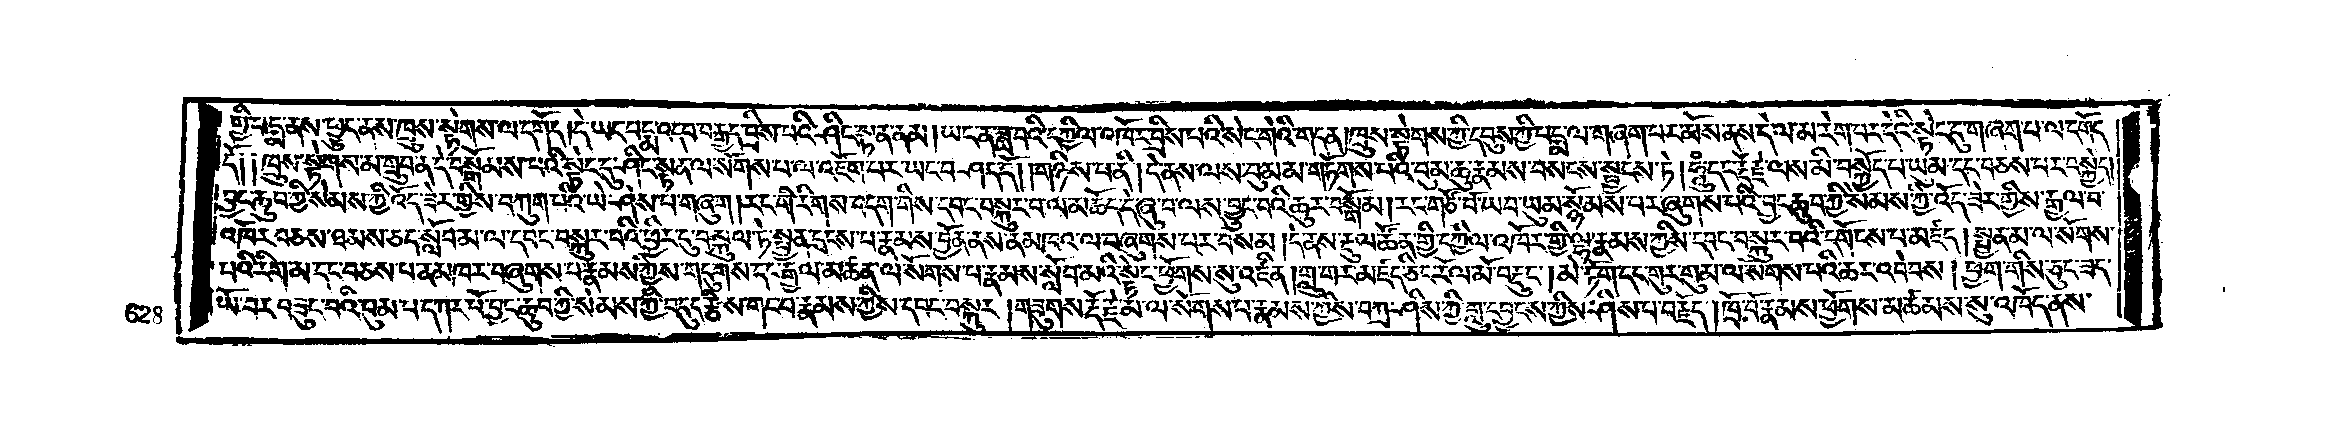གྱི་པདམ་ནས་ཕྱུང་ནས་ཁྲུས་སྟེགས་ལ་དགོད། དེ་ཡང་པདམ་འདབ་བརྒྱད་བྲིས་པའི་ཤིང་སྟན་ནམ། ཡང་ན་ཟླ་བའི་དཀྱིལ་འཁོར་བྲིས་པའི་སེང་གེའི་གདན། ཁྲུས་སྟེགས་ཀྱི་དབུས་ཀྱི་པདམ་ལ་གཞག་པར་མོས་ནས་དེ་ལ་མ་རེག་པར་དེའི་སྟེང་དུ་གཞག་པ་ལ་དགོད་
དོ། །ཁྲུས་སྟེགས་མ་གྲུབ་ན་དེ་བསྒོམས་པའི་སྟེང་དུ་ཤིང་སྟན་ལ་སོགས་པ་ལ་འཇོག་པར་ཡང་བཤད་དོ། །གཉིས་པ་ནི། དེ་ནས་ལས་བུམ་མ་གཏོགས་པའི་བུམ་ཆུ་རྣམས་བསངས་སྦྱངས་ཏེ། ཧཱུཾ་དང་རྡོ་རྗེ་ལས་མི་བསྐྱོད་པ་ཡུམ་དང་བཅས་པར་བསྐྱེད།
བྱང་ཆུབ་ཀྱི་སེམས་ཀྱི་འོད་ཟེར་གྱིས་བཀུག་པའི་ཡེ་ཤེས་པ་གཞུག །རང་གི་རིགས་བདག་གིས་དབང་བསྐུར་བ་ལ་མཆོད་དེ་ཞུ་བ་ལས་བྱུང་བའི་ཆུར་བསྒོམ། རང་གཙོ་བོ་ཡབ་ཡུམ་སྙོམས་པར་ཞུགས་པའི་བྱང་ཆུབ་ཀྱི་སེམས་ཀྱི་འོད་ཟེར་གྱིས་རྒྱལ་བ་
འཁོར་བཅས་ཐམས་ཅད་སློབ་མ་ལ་དབང་བསྐུར་བའི་ཕྱིར་དུ་བསྐུལ་ཏེ་སྤྱན་དྲངས་པ་རྣམས་བྱོན་ནས་ནམ་མཁའ་ལ་བཞུགས་པར་བསམ་།དེ་ནས་རྡུལ་ཚོན་གྱི་དཀྱིལ་འཁོར་གྱི་ལྷ་རྣམས་ཀྱིས་དབང་བསྐུར་བའི་དགོངས་པ་མཛད། སྤྱན་མ་ལ་སོགས་
པའི་རིག་མ་དང་བཅས་པ་ནམ་མཁར་བཞུགས་པ་རྣམས་ཀྱིས་གདུགས་དང་རྒྱལ་མཚན་ལ་སོགས་པ་རྣམས་སློབ་མའི་སྟེང་ཕྱོགས་སུ་འཛིན། གླུ་གར་མཛད་ཅིང་རོལ་མོ་བརྡུང་། མེ་ཏོག་དང་གུར་གུམ་ལ་སོགས་པའི་ཆར་འབེབས། ཕྱག་གིས་ཅུང་ཟད་
ཡོ་བར་བཟུང་བའི་བུམ་པ་དཀར་པོ་བྱང་ཆུབ་ཀྱི་སེམས་ཀྱི་བདུད་རྩིས་གང་བ་རྣམས་ཀྱིས་དབང་བསྐུར་།གཟུགས་རྡོ་རྗེ་མ་ལ་སོགས་པ་རྣམས་ཀྱིས་བཀྲ་ཤིས་ཀྱི་གླུ་དབྱངས་ཀྱིས་ཤིས་པ་བརྗོད། ཁྲོ་བོ་རྣམས་ཕྱོགས་མཚམས་སུ་འཁོད་ནས་